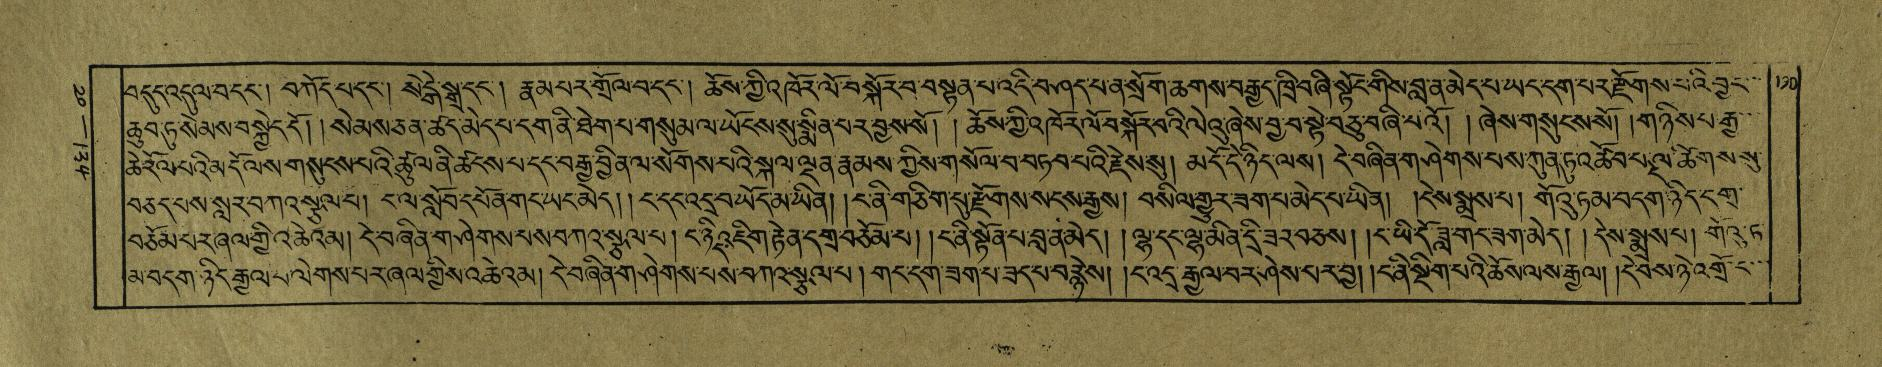བདུད་འདུལ་བ་དང་། བཀོད་པ་དང་། སེངྒེ་སྒྲ་དང་། རྣམ་པར་གྲོལ་བ་དང་། ཆོས་ཀྱི་འཁོར་ལོ་བསྐོར་བ་བསྟན་པ་འདི་བཤད་པ་ན་སྲོག་ཆགས་བརྒྱད་ཁྲི་བཞི་སྟོང་གིས་བླ་ན་མེད་པ་ཡང་དག་པར་རྫོགས་པའི་བྱང་
ཆུབ་ཏུ་སེམས་བསྐྱེད་དོ། །སེམས་ཅན་ཚད་མེད་པ་དག་ནི་ཐེག་པ་གསུམ་ལ་ཡོངས་སུ་སྨིན་པར་བྱས་སོ། །ཆོས་ཀྱི་འཁོར་ལོ་བསྐོར་བའི་ལེའུ་ཞེས་བྱ་བ་སྟེ་བཅུ་བཞི་པའོ། །ཞེས་གསུངས་སོ། །གཉིས་པ་རྒྱ་
ཆེ་རོལ་པའི་མདོ་ལས་གསུངས་པའི་ཚུལ་ནི་ཚངས་པ་དང་བརྒྱ་བྱིན་ལ་སོགས་པའི་སྐལ་ལྡན་རྣམས་ཀྱིས་གསོལ་བ་བཏབ་པའི་རྗེས་སུ། མདོ་དེ་ཉིད་ལས། དེ་བཞིན་གཤེགས་པས་ཀུན་ཏུ་འཚོབ་པ་དེ་ལ་ཚིགས་སུ་
བཅད་པས་སླར་བཀའ་སྩལ་པ། ང་ལ་སློབ་དཔོན་གང་ཡང་མེད། །ང་དང་འདྲ་བ་ཡོད་མ་ཡིན། །ང་ནི་གཅིག་པུ་རྫོགས་སངས་རྒྱས། བསིལ་གྱུར་ཟག་པ་མེད་པ་ཡིན། །ངེས་སྨྲས་པ། གོའུ་ཏམ་བདག་ཉིད་དགྲ་
བཅོམ་པར་ཞལ་གྱི་འཆེའམ། དེ་བཞིན་གཤེགས་པས་བཀའ་སྩལ་པ། ང་ཉིད་འཇིག་རྟེན་དགྲ་བཅོམ་པ། །ང་ནི་སྟོན་པ་བླ་ན་མེད། །ལྷ་དང་ལྷ་མིན་དྲི་ཟར་བཅས། །ང་ཡི་དོ་ཟླ་གང་ཟག་མེད། །དེས་སྨྲས་པ། གོའུ་ཏ་
མ་བདག་ཉིད་རྒྱལ་བ་ལེགས་པར་ཞལ་གྱིས་འཆེའམ། དེ་བཞིན་གཤེགས་པས་བཀའ་སྩལ་པ། གང་དག་ཟག་པ་ཟད་པ་བརྙེས། །ང་འདྲ་རྒྱལ་བར་ཤེས་པར་བྱ། །ང་ནི་སྡིག་པའི་ཆོས་ལས་རྒྱལ། །དེ་བས་ཉེ་འགྲོ་ང་